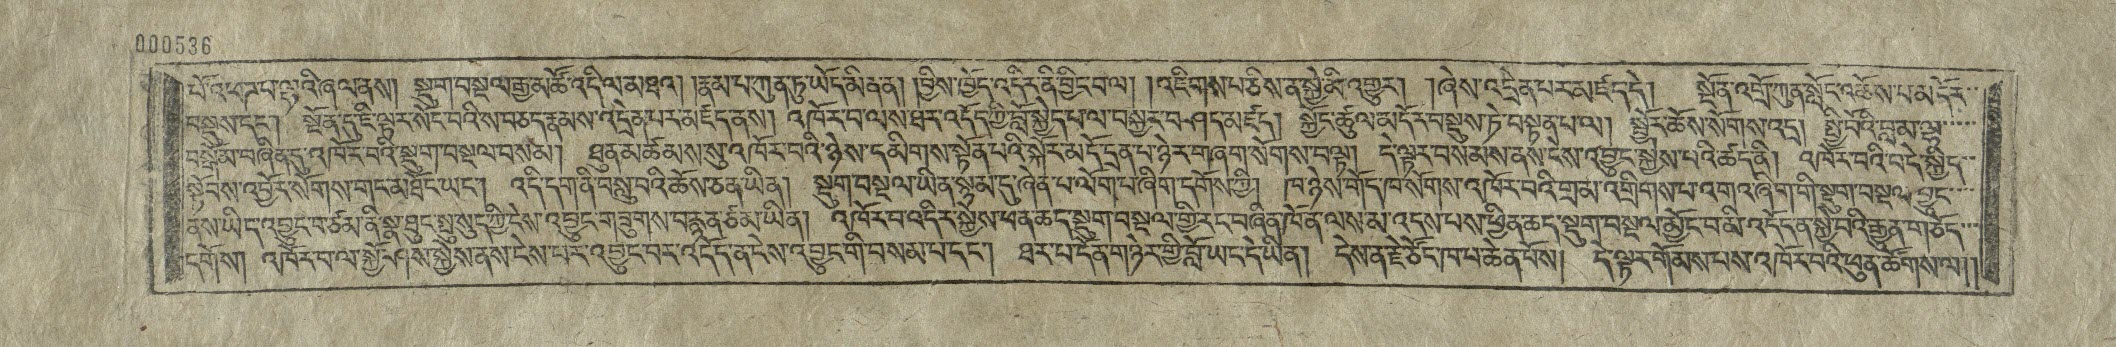པོ་འཕགས་པ་ལྷའི་ཞལ་ནས། སྡུག་བསྔལ་རྒྱ་མཚོ་འདི་ལ་མཐའ། །རྣམ་པ་ཀུན་ཏུ་ཡོད་མིན་ན། །བྱིས་ཁྱོད་འདིར་ནི་བྱིང་བ་ལ། །འཇིགས་པ་ཅིས་ན་སྐྱེ་མི་འགྱུར། །ཞེས་འདྲེན་པར་མཛད་དེ། སྔོན་འགྲོ་ཀུན་སློང་འཆོས་པ་མདོར་
བསྡུས་དང་། སྔོན་དུ་ཇི་ལྟར་སོང་བའི་ས་བཅད་རྣམས་འདྲེན་པར་མཛད་ནས། འཁོར་བ་ལས་ཐར་འདོད་ཀྱི་བློ་སྐྱེད་པ་ལ་བསྐྱར་བཤད་མཛད། སྐྱོང་ཚུལ་མདོར་བསྡུས་ཏེ་བསྟན་པ་ལ། སྦྱོར་ཆོས་སོགས་འདྲ། སྤྱི་བོའི་བླ་མ་ལྷ་
བསྒོམ་བཞིན་དུ་འཁོར་བའི་སྡུག་བསྔལ་བསམ། ཐུན་མཚམས་སུ་འཁོར་བའི་ཉེས་དམིགས་སྟོན་པའི་སྐོར་མདོ་དྲན་པ་ཉེར་གཞག་སོགས་བལྟ། དེ་ལྟར་བསམས་ནས་ངེས་འབྱུང་སྐྱེས་པའི་ཚད་ནི། འཁོར་བའི་བདེ་སྐྱིད་
སྟོབས་འབྱོར་སོགས་གང་མཐོང་ཡང་། འདི་དག་ནི་བསླུ་བའི་ཆོས་ཅན་ཡིན། སྡུག་བསྔལ་ཡིན་སྙམ་དུ་ཞེན་པ་ལོག་པ་ཞིག་དགོས་ཀྱི། ཁ་ཉེས་གོད་ཁ་སོགས་འཁོར་བའི་གྲ་མ་འགྲིགས་པ་འགའ་ཞིག་གི་སྡུག་བསྔལ་བྱུང་
ནས་ཡིད་འབྱུང་བ་ཙམ་ནི་སྣ་ཐུང་སྤུ་སུད་ཀྱི་ངེས་འབྱུང་གཟུགས་བརྙན་ཙམ་ཡིན། འཁོར་བ་འདིར་སྐྱེས་ཕན་ཆད་སྡུག་བསྔལ་གྱི་རང་བཞིན་ཁོ་ན་ལས་མ་འདས་པས་ཕྱིན་ཆད་སྡུག་བསྔལ་མྱོང་བ་མི་འདོད་ན་སྐྱེ་བའི་རྒྱུན་གཅོད་
དགོས། འཁོར་བ་ལ་སྐྱོ་ཤས་སྐྱེས་ནས་ངེས་པར་འབྱུང་བར་འདོད་ན་ངེས་འབྱུང་གི་བསམ་པ་དང་། ཐར་པ་དོན་གཉེར་གྱི་བློ་ཡང་དེ་ཡིན། དེས་ན་རྗེ་ཙོང་ཁ་པ་ཆེན་པོས། དེ་ལྟར་གོམས་པས་འཁོར་བའི་ཕུན་ཚོགས་ལ།།